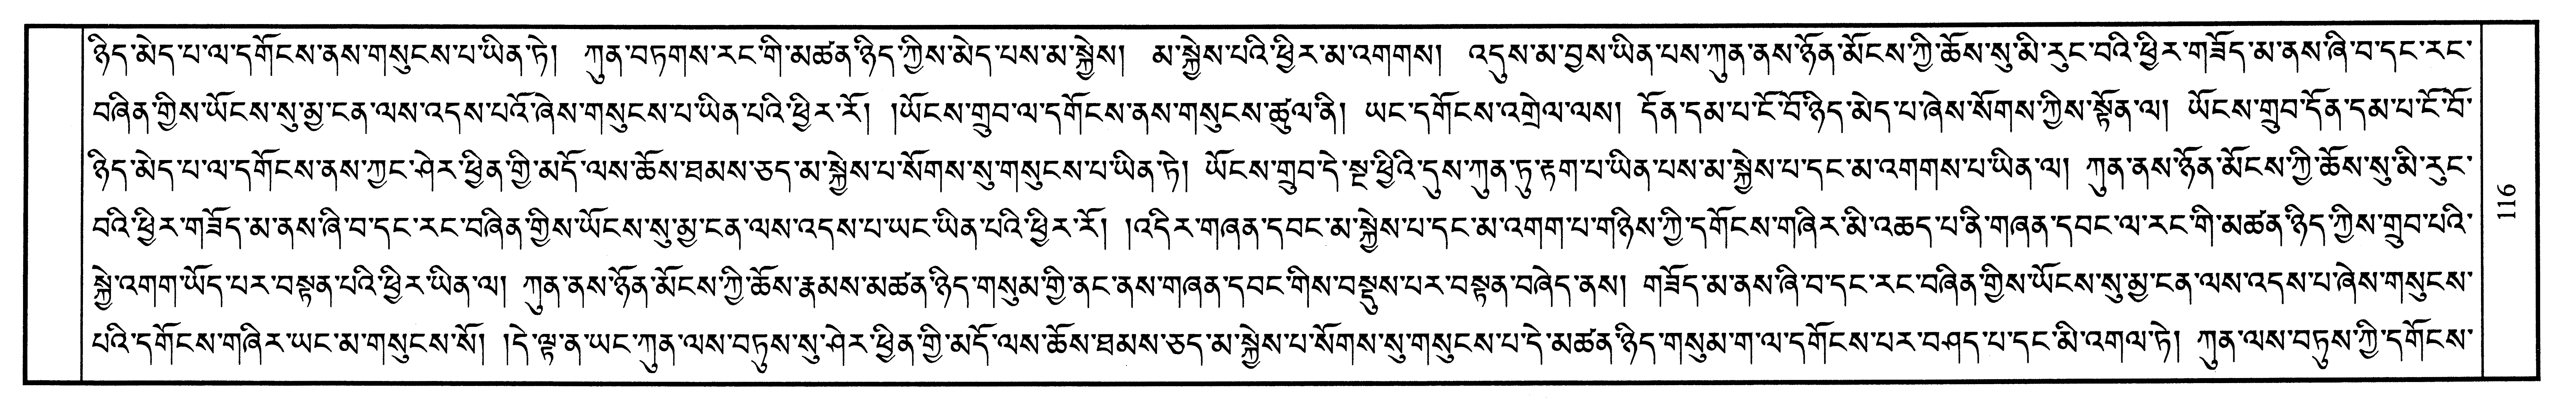ཉིད་མེད་པ་ལ་དགོངས་ནས་གསུངས་པ་ཡིན་ཏེ། ཀུན་བཏགས་རང་གི་མཚན་ཉིད་ཀྱིས་མེད་པས་མ་སྐྱེས། མ་སྐྱེས་པའི་ཕྱིར་མ་འགགས། འདུས་མ་བྱས་ཡིན་པས་ཀུན་ནས་ཉོན་མོངས་ཀྱི་ཆོས་སུ་མི་རུང་བའི་ཕྱིར་གཟོད་མ་ནས་ཞི་བ་དང་རང་
བཞིན་གྱིས་ཡོངས་སུ་མྱ་ངན་ལས་འདས་པའོ་ཞེས་གསུངས་པ་ཡིན་པའི་ཕྱིར་རོ། །ཡོངས་གྲུབ་ལ་དགོངས་ནས་གསུངས་ཚུལ་ནི། ཡང་དགོངས་འགྲེལ་ལས། དོན་དམ་པ་ངོ་བོ་ཉིད་མེད་པ་ཞེས་སོགས་ཀྱིས་སྟོན་ལ། ཡོངས་གྲུབ་དོན་དམ་པ་ངོ་བོ་
ཉིད་མེད་པ་ལ་དགོངས་ནས་ཀྱང་ཤེར་ཕྱིན་གྱི་མདོ་ལས་ཆོས་ཐམས་ཅད་མ་སྐྱེས་པ་སོགས་སུ་གསུངས་པ་ཡིན་ཏེ། ཡོངས་གྲུབ་དེ་སྔ་ཕྱིའི་དུས་ཀུན་ཏུ་རྟག་པ་ཡིན་པས་མ་སྐྱེས་པ་དང་མ་འགགས་པ་ཡིན་ལ། ཀུན་ནས་ཉོན་མོངས་ཀྱི་ཆོས་སུ་མི་རུང་
བའི་ཕྱིར་བཟོད་མ་ནས་ཞི་བ་དང་རང་བཞིན་གྱིས་ཡོངས་སུ་མྱ་ངན་ལས་འདས་པ་ཡང་ཡིན་པའི་ཕྱིར་རོ། །འདིར་གཞན་དབང་མ་སྐྱེས་པ་དང་མ་འགག་པ་གཉིས་ཀྱི་དགོངས་གཞིར་མི་འཆད་པ་ནི་གཞན་དབང་ལ་རང་གི་མཚན་ཉིད་ཀྱིས་གྲུབ་པའི་
སྐྱེ་འགག་ཡོད་པར་བསྟན་པའི་ཕྱིར་ཡིན་ལ། ཀུན་ནས་ཉོན་མོངས་ཀྱི་ཆོས་རྣམས་མཚན་ཉིད་གསུམ་གྱི་ནང་ནས་གཞན་དབང་གིས་བསྡུས་པར་བསྟན་བཞེད་ནས། གཟོད་མ་ནས་ཞི་བ་དང་རང་བཞིན་གྱིས་ཡོངས་སུ་མྱ་ངན་ལས་འདས་པ་ཞེས་གསུངས་
པའི་དགོངས་གཞིར་ཡང་མ་གསུངས་སོ། །དེ་ལྟ་ན་ཡང་ཀུན་ལས་བཏུས་སུ་ཤེར་ཕྱིན་གྱི་མདོ་ལས་ཆོས་ཐམས་ཅད་མ་སྐྱེས་པ་སོགས་སུ་གསུངས་པ་དེ་མཚན་ཉིད་གསུམ་ག་ལ་དགོངས་པར་བཤད་པ་དང་མི་འགལ་ཏེ། ཀུན་ལས་བཏུས་ཀྱི་དགོངས་